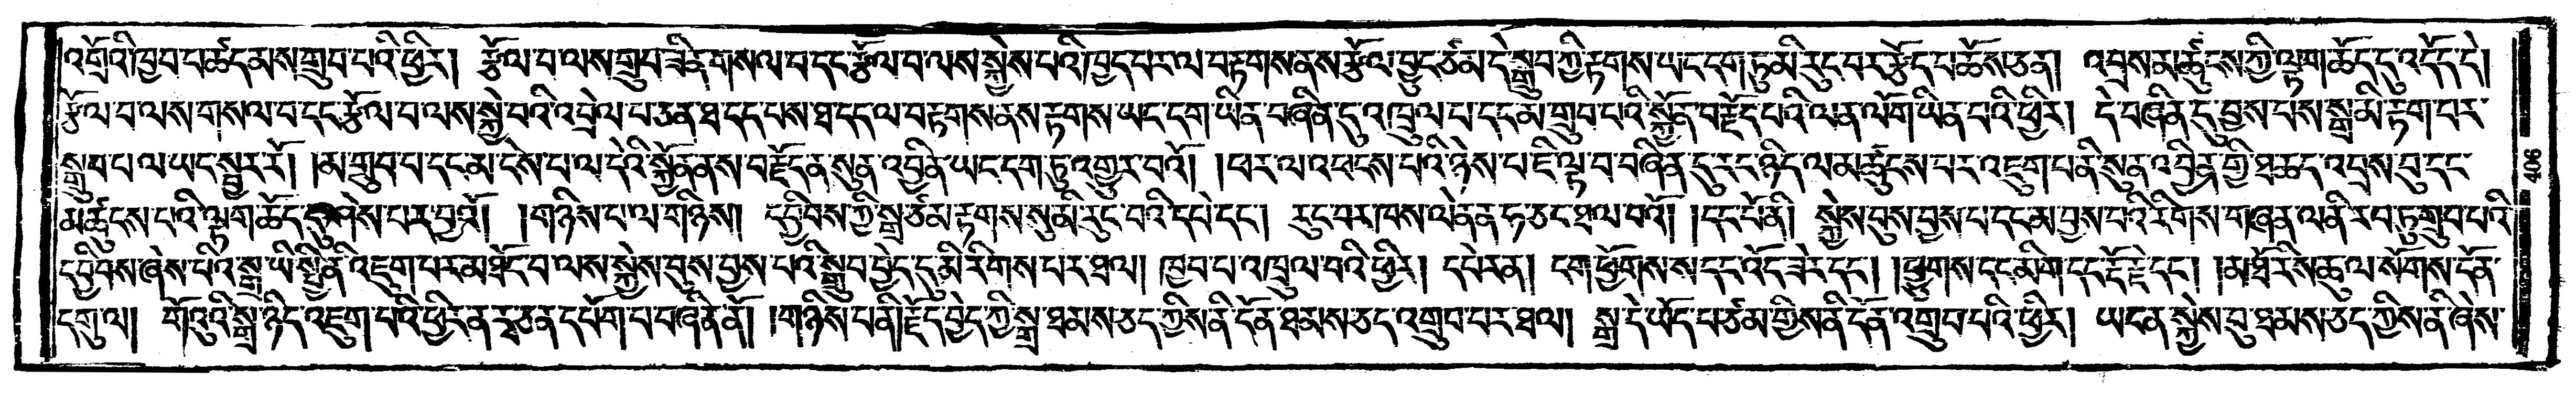འགྲོའི་ཁྱབ་པ་ཚད་མས་གྲུབ་པའི་ཕྱིར། རྩོལ་བ་ལས་གྲུབ་ཟིན་གསལ་བ་དང་རྩོལ་བ་ལས་སྐྱེས་པའི་ཁྱད་པར་ལ་བརྟགས་ནས་རྩོལ་བྱུང་ཙམ་དེ་སྒྲུབ་ཀྱི་རྟགས་ཡང་དག་ཏུ་མི་རུང་བར་རྩོད་པ་ཆོས་ཅན། འབྲས་མཚུངས་ཀྱི་ལྟག་ཆོད་དུ་འདོད་དེ།
རྩོལ་བ་ལས་གསལ་བ་དང་རྩོལ་བ་ལས་སྐྱེ་བའི་འབྲེལ་བ་ཅན་ཐ་དད་པས་ཐ་དད་ལ་བརྟགས་ནས་རྟགས་ཡང་དག་ཡིན་བཞིན་དུ་འཁྲུལ་པ་དང་མ་གྲུབ་པའི་སྐྱོན་བརྗོད་པའི་ལན་ལོག་ཡིན་པའི་ཕྱིར། དེ་བཞིན་དུ་བྱས་པས་སྒྲ་མི་རྟག་པར་
སྒྲུབ་པ་ལ་ཡང་སྦྱར་རོ། །མ་གྲུབ་པ་དང་མ་ངེས་པ་ལ་དེའི་སྐྱོན་ནས་བརྗོད་ན་སུན་འབྱིན་ཡང་དག་ཏུ་འགྱུར་པའོ། །ཕར་ལ་འཕངས་པའི་ཉེས་པ་ཇི་ལྟ་བ་བཞིན་དུ་རང་ཉིད་ལ་མཚུངས་པར་འཇུག་པ་ནི་སུན་འབྱིན་གྱི་ཐ་ཆད་འབྲས་བུ་དང་
མཚུངས་པའི་ལྟག་ཆོད་དུ་ཤེས་པར་བྱའོ། །གཉིས་པ་ལ་གཉིས། དབྱིབས་ཀྱི་སྒྲ་ཙམ་རྟགས་སུ་མི་རུང་བའི་དཔེ་དང་། རུང་བར་ཁས་ལེན་ན་ཧ་ཅང་ཐལ་བའོ། །དང་པོ་ནི། སྐྱེས་བུས་བྱས་པ་དང་མ་བྱས་པའི་རིགས་གཞན་ལ་ནི་རབ་ཏུ་གྲུབ་པའི་
དབྱིབས་ཞེས་པའི་སྒྲ་ཡི་སྦྱི་ནི་འཇུག་པར་མཐོང་བ་ལས་སྐྱེས་བུས་བྱས་པའི་སྒྲུབ་བྱེད་དུ་མི་རིགས་པར་ཐལ། ཁྱབ་པ་འཁྲུལ་བའི་ཕྱིར། དཔེར་ན། ངག་ཕྱོགས་ས་དང་འོད་ཟེར་དང་། །ཕྱུགས་དང་མིག་དང་རྡོ་རྗེ་དང་། །མཐོ་རིས་ཆུ་ལ་སོགས་དོན་
དགུ་ལ། གོའུའི་སྒྲ་ཉིད་འཇུག་པའི་ཕྱིར་ན་རྭ་ཅན་དཔོག་པ་བཞིན་ནོ། །གཉིས་པ་ནི། རྗོད་བྱེད་ཀྱི་སྒྲ་ཐམས་ཅད་ཀྱིས་ནི་དོན་ཐམས་ཅད་འགྲུབ་པར་ཐལ། སྒྲ་དེ་ཡོད་པ་ཙམ་གྱིས་ནི་དོན་འགྲུབ་པའི་ཕྱིར། ཡང་ན་སྐྱེས་བུ་ཐམས་ཅད་ཀྱིས་ནི་ཞེས་